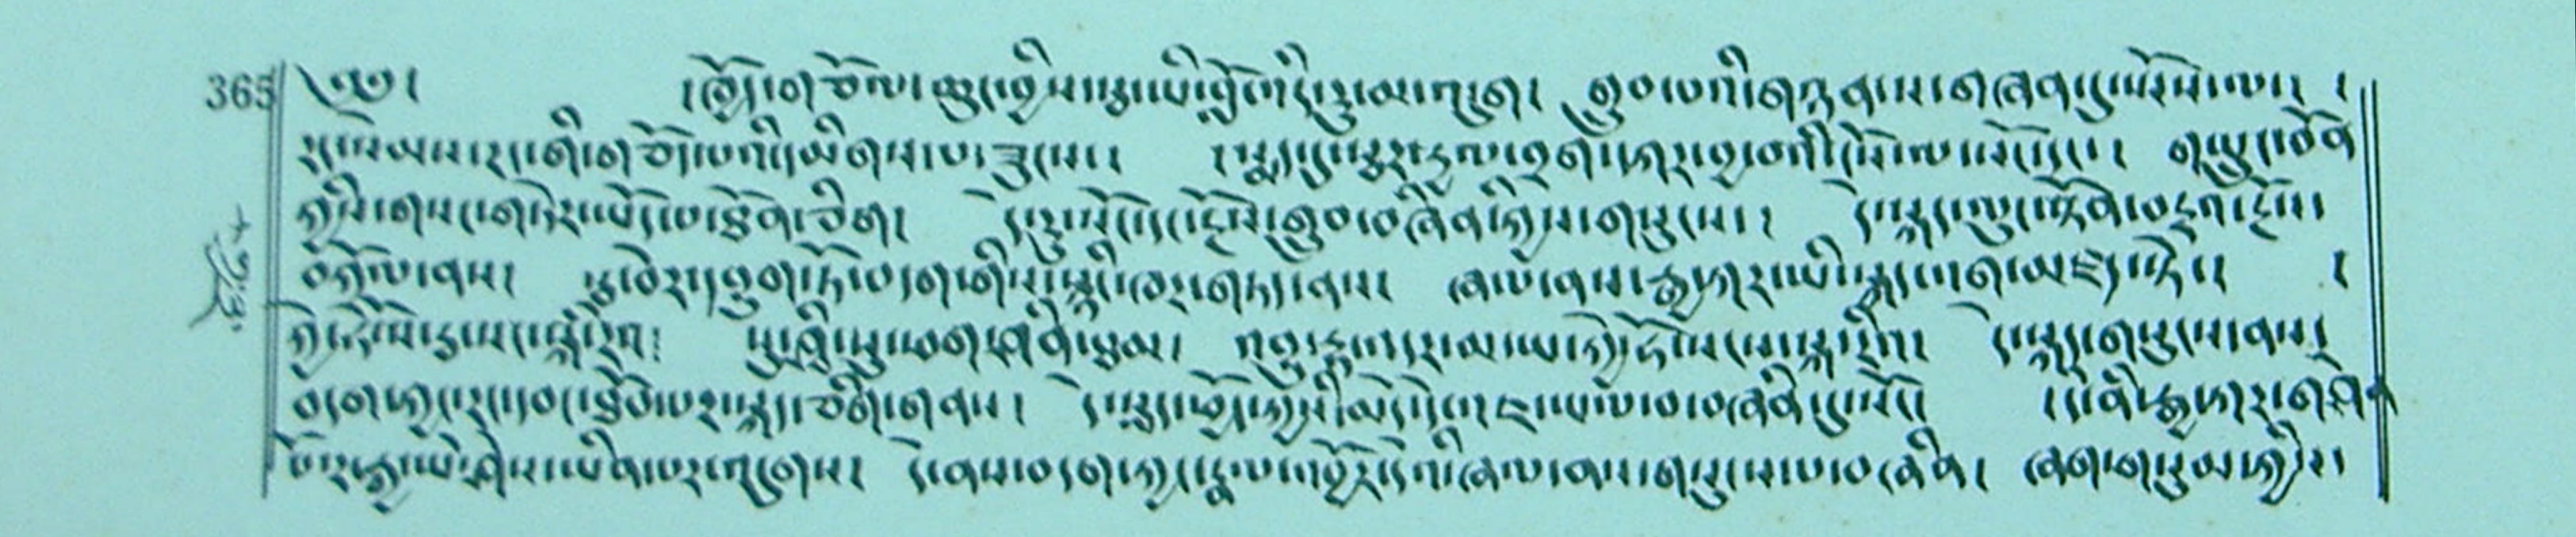༄༅། །ཁྱོད་ཅོལ་ཆུང་བྱིས་པའི་བློ་འདི་རུ་མ་འདུག་ལ། གྲུབ་པའི་གནས་ས་གཉན་དུ་སྤོས་ལ། 
རང་སེམས་རང་གིས་གཅོད་པའི་དམིགས་པ་ཟུངས། སྨད་དུ་སྦར་རྒྱབ་བྲག་དཀར་བྱ་བའི་ངོས་ལ་སོང་དང་། གཡུང་དྲུང་བོན་
གྱི་གསང་གཏེར་ཡོད་པ་ཐོན་ཅིག དེ་རུ་སོང་དང་དངོས་གྲུབ་སྦྱིན་གྱིས་གསུངས། དེ་སྐད་ལུང་བསྟན་བརྡའ་དངོས་
བཀྲོལ་ནས། སྦ་བེར་དབྱུག་ཏོ་བདག་གི་སྙིང་ཀར་གཏད་དེ་ཞལ་ནས་རྒྱ་གར་གྱི་སྐད་དག་མཛད་དེ། 
ཀྱེ་ཧོ་སརྦ་སང་ཀྐ་རིས། སུ་ཤྭི་སུ་ཕག་ཤིན་ཐལ། འབུ་དྷ་འདར་མ་ཡ། ཀྱེ་ཧོ་སངས་ཀ་རི། དེ་སྐད་གསུངས་ནས། 
བདག་ཀྱང་རང་དབང་ཐོབ་པར་སྐད་ཅིག་གནས། དེ་སླད་ཕྱོད་ཀྱིས་མེད་དེ་གཞའ་ཡལ་བ་བཞིན་དུ་སོང་ངོ་། །དེ་ནི་རྒྱ་གར་གྱི་གཤེན་
བོན་ར་རྒྱ་ཡེ་ཤེས་ཡིན་པར་འདུག དེ་ནས་བདག་ཀྱང་རྣལ་འབྱོར་དེའི་ཞལ་ནས་གསུངས་པ་བཞིན། ཞག་གསུམ་ཀྱིས་